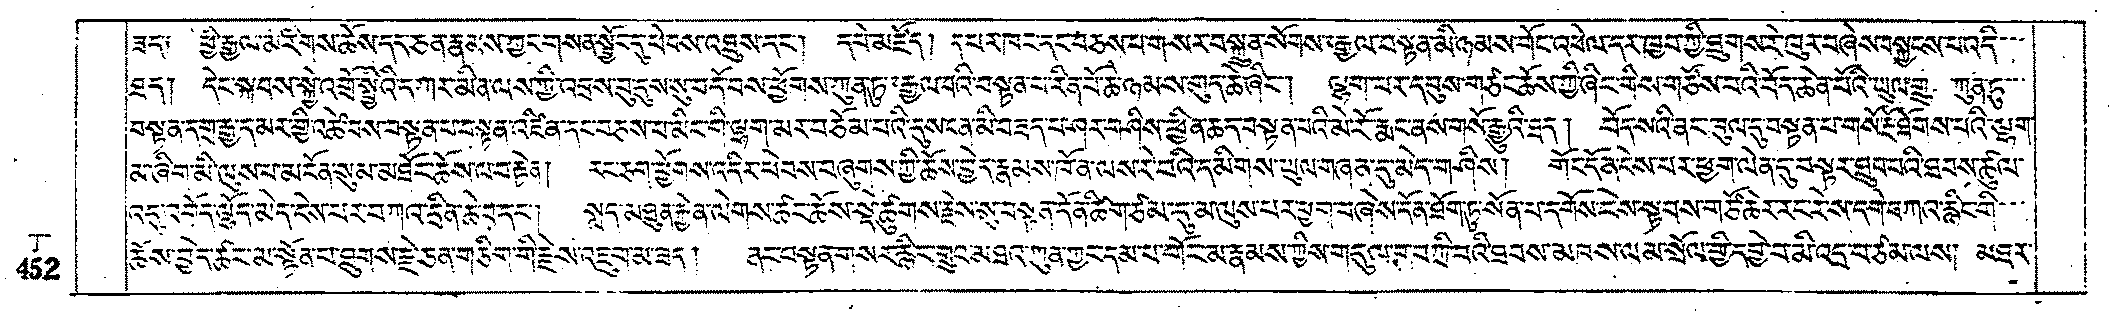ཟད༑ ཕྱི་རྒྱལ་མི་རིགས་ཆོས་དང་ཅན་རྣམས་ཀྱང་གསན་སྦྱོང་དུ་ཕེབས་འཐུས་དང་། དཔེ་མཛོད། དཔར་ཁང་དང་བཅས་པ་གསར་བསྐྲུན་སོགས ༧རྒྱལ་བསྟན་མི་ཉམས་གོང་འཕེལ་དར་ཁྱབ་ཀྱི་ཐུགས་རེ་ཁུར་བཞེས་བསྐྱངས་པ་འདི་་་
ཐད། དེང་སྐབས་སྐྱེ་འགྲོ་སྤྱིའི་དཀར་མིན་ལས་ཀྱི་འབྲས་བུ་དུས་སུ་བདོ་བས་ཕྱོགས་ཀུན་ཏུ ༧རྒྱལ་བའི་བསྟན་པ་རིན་པོ་ཆེ་ཉམས་གུད་ཆེ་ཞིང་། ལྷག་པར་དབུས་གཙང་ཆོས་ཀྱི་ཞིང་གིས་གཙོས་པའི་བོད་ཆེན་པོའི་ཡུལ་གྲུ་།ཀུན་ཏུ་་་
བསྟན་དགྲ་རྒྱ་དམར་གྱི་འཚེ་བས་བསྟན་པ་བསྟན་འཛིན་དང་བཅས་པ་མིང་གི་ལྷག་མར་བཅོམ་པའི་དུས་ངན་མི་བཟད་པ་ཤར་གཤིས་ཕྱིན་ཆད་བསྟན་པའི་མེ་རོ་རྨང་ནས་གསོ་རྒྱུའི་ཐད། བོད་སའི་ནང་ཁུལ་དུ་བསྟན་པ་གསོ་རྔོ་ཐོགས་པའི་ལྷག་
མ་ཞིག་མི་ལུས་པ་མངོན་སུམ་མཐོང་ཆོས་ལ་བརྟེན། རང་ཅག་ཕྱོགས་འདིར་ཕེབས་བཞུགས་ཀྱི་ཆོས་བྱེད་རྣམས་ཁོ་ན་ལས་རེ་བའི་དམིགས་ཡུལ་གཞན་དུ་མེད་གཤིས། གོང་དོན་ངེས་པར་ཕྱག་ལེན་དུ་བསྟར་ཐུབ་པའི་ཐབས་ཚུལ་
འདུ་འགོད་ལྷོད་མེད་ངེས་པར་བཀའ་དྲིན་ཆེ་བ་དང་། སླད་མཐུན་རྐྱེན་ལེགས་ཚང་ཆོས་སྡེ་ཚུགས་རྗེས་སུ་བསྟན་དོན་ཚིག་ཙམ་དུ་མ་ལུས་པར་ཕྱག་བཞེས་དོན་ཐོག་ཏུ་སོན་པ་དགོས་ངེས་སྟབས་གཙོ་ཆེར་རང་རེ་ས་དགེ་བཀའ་རྙིང་གི་་་
ཆོས་བྱེད་ཚང་མ་སྟོན་པ་ཐུགས་རྗེ་ཅན་གཅིག་གི་རྗེས་འཇུག་མ་ཟད། ནང་བསྟན་གསར་རྙིང་གྲུབ་མཐའ་ཀུན་ཀྱང་དམ་པ་གོང་མ་རྣམས་ཀྱིས་གདུལ་བྱ་བཀྲི་བའི་ཐབས་མཁས་ལམ་སྲོལ་གྱི་དབྱེ་བ་མི་འདྲ་བ་ཙམ་ལས། མཐར་